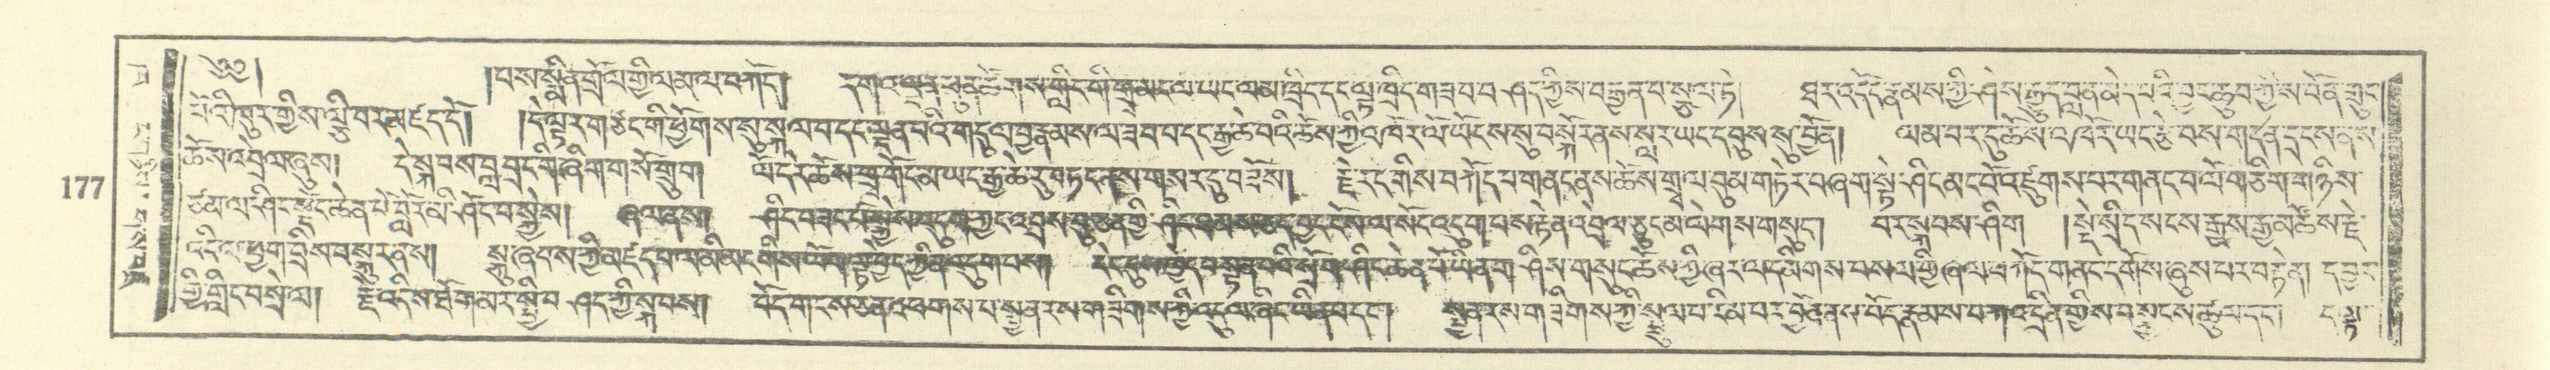༄༅། །བས་སྨིན་གྲོལ་གྱི་ལམ་ལ་བཀོད། དགའ་ལྡན་ཕུན་ཚོགས་གླིང་གི་གྲྭ་མང་ལ་ཡང་ལམ་ཁྲིད་དང་ལྟ་ཁྲིད་གཟབ་བཤད་ཀྱིས་བརྒྱན་པ་སྩལ་ཏེ། ཐར་འདོད་རྣམས་ཀྱི་ཤེས་རྒྱུད་བླ་ན་མེད་པའི་བྱང་ཆུབ་ཀྱིས་བོན་གྲུང་
པོའི་ཁུར་གྱིས་ལྕི་བར་མཛད་དོ། །དེ་ལྟར་གཙང་གི་ཕྱོགས་སུ་སྐལ་བ་དང་ལྡན་པའི་གདུལ་བྱ་རྣམས་ལ་ཟབ་པ་དང་རྒྱ་ཆེ་བའི་ཆོས་ཀྱི་འཁོར་ལོ་ཡོངས་སུ་བསྐོར་ནས་སླར་ཡང་དབུས་སུ་བྱོན། ཡམ་བར་དུ་ཆོས་འཁོར་ཡང་རྩེ་བས་གདན་དྲངས་ནས་
ཆོས་འབྲེལ་ཞུས། དེ་སྐབས་བླ་བྲང་གི་ཞིག་གསོ་གྲུབ། ལོ་དེར་ཆོས་གྲྭ་གོང་མ་ཡང་རྒྱ་ཆེ་རུ་བཏང་ནས་གསར་དུ་བཟོས། རྗེ་རང་གིས་བཀོད་པ་གནང་ནས་ཆོས་གྲྭ་ལ་བུམ་གཏེར་བཞག་སྟེ་ཤིང་མང་པོ་འཛུགས་བར་གནང་བ་ལོ་གཅིག་གཉིས་
ཙམ་ལ་ཤིང་སྡོང་ཆེན་པོ་བློར་མི་ཤོང་བསྐྱེས། ཞལ་ནས། ཤིང་བཟང་པོ་སྐྱེས་འདུག་ཀྱང་འབྲས་བུ་ཅན་གྱི་ཤིང་ཐམས་ཅད་བྱང་ངོས་ལ་སོང་འདུག་པས་རྟེན་འབྲེལ་ཅུང་མ་ལེགས་གསུང་། བར་སྐབས་ཤིག །སྡེ་སྲིད་སངས་རྒྱས་རྒྱ་མཚོས་རྗེ་
འདི་ལ་ཕྱག་བྲིས་བསྐུར་ནས། སྐུ་ཞབས་ཀྱི་མཛད་པ་ལ་མི་མང་གིས་ལོག་ལྟ་བྱེད་ཀྱི་ན་འདུག་པས། དེང་དུས་ཁྱེད་བསྟན་པའི་སྲོག་ཤིང་ཆེན་པོ་ཡིན་གཤིས་གསུང་ཆོས་ཀྱི་ཞར་ལ་དམིགས་བསལ་གྱི་ཞལ་བཀོད་གནང་དགོས་ཞུས་པར་བརྟེན། དབྱར་
གྱི་གླིང་བསྲེ་ལ། རྗེ་འདིས་ཐོག་མར་སྤྱི་བཤད་ཀྱི་སྐབས། བོད་གངས་ཅན་འཕགས་པ་སྤྱན་རས་གཟིགས་ཀྱི་འདུལ་ཞིང་ཡིན་བ་དང་། སྤྱན་རས་གཟིགས་ཀྱི་སྤྲུལ་པ་རིམ་པར་བྱོན་ནས་བོད་རྣམས་བཀའ་དྲིན་གྱིས་བསྐྱངས་ཚུལ་དང་། ད་ལྟ་